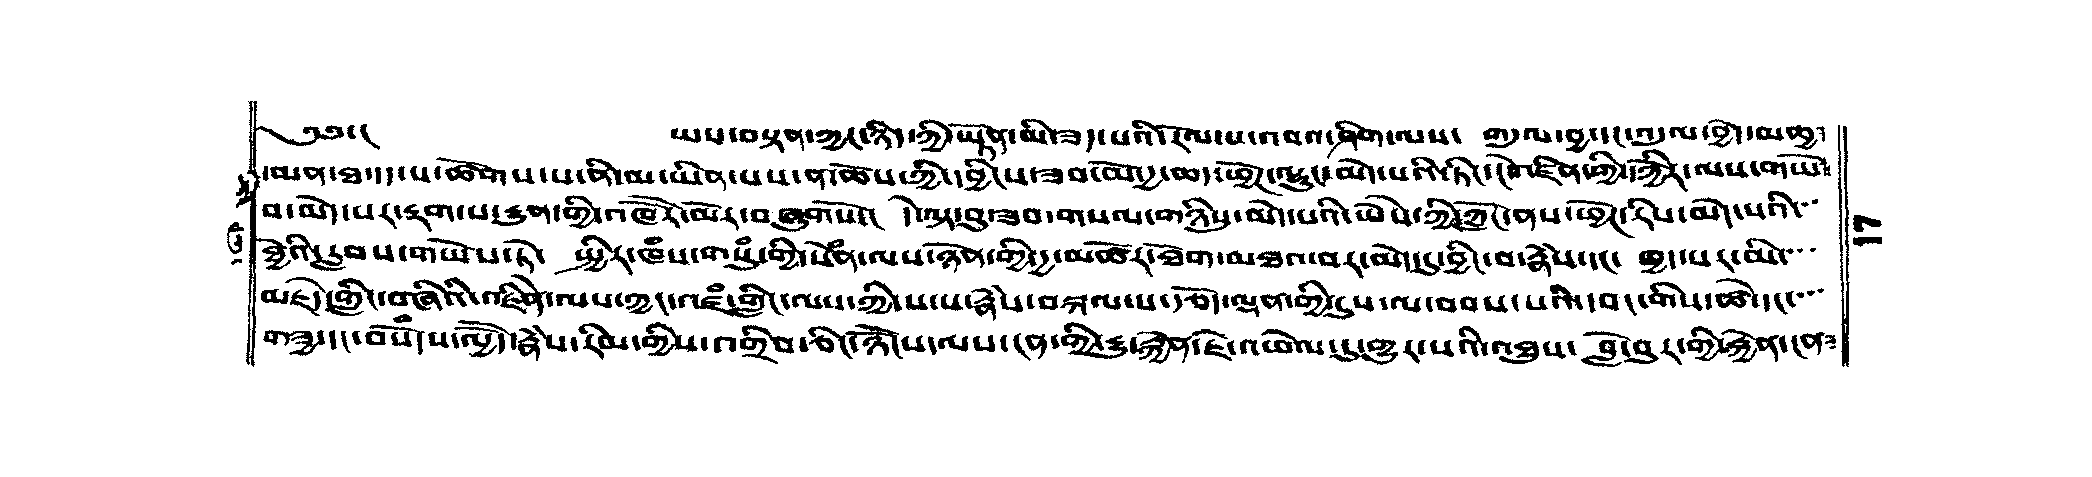ཡས་བསྟན་ཡང་ཉིད་ཀྱི་ཡོན་ཏན་མི་ཟད་པའི་རོལ་པ་འབའ་ཞིག་ལས། གདུལ་བྱ་དང་འདུལ་བྱེད་མཆོག་
དམན་ཐ་དད་པ་ཚོགས་པ་ནི་མ་ཡིན་པས་ན་ཆོས་ཀྱི་དབྱིངས་ཟབ་མོ་རྒྱ་ཆད་ཕྱོགས་ལྷུང་མེད་པའི་ཏིང་ངེ་འཛིན་གྱི་དཀྱིལ་འཁོར་ལས་གཡོ་
བ་མེད་པར་རྟག་པ་རྒྱུན་གྱི་འཁོར་ལོ་མོར་བཞུགས་སོ། དེ་ལྟ་བུ་ཟབ་གསལ་གཉིས་སུ་མེད་པའི་ཡེ་ཤེས་ཀྱི་ཀློང་ནས་ཕྱོགས་རིས་མེད་པའི་
ཐུགས་རྗེའི་རླབས་གཡོས་ཏེ། སྤྱིར་ཁམས་གསུམ་གྱི་སེམས་ཅན་ལས་ཉོན་གྱི་རྒྱ་མཚོར་ཐོག་མཐའ་བར་མེད་དུ་བྱིང་བ་རྣམས་དང་། ཁྱད་པར་མི་
མཇེད་གླིང་གཞིའི་འཇིག་རྟེན་ལས་ཀྱང་འཛམ་གླིང་ལས་ཀྱི་ས་རྣམས་བསྐལ་པ་རྩོད་ལྡན་གྱི་དུས་ལ་བབས་པའི་དབང་གིས་ཚེ་དང་
གཟུགས་དང་བསོད་ནམས་ལོངས་སྤྱོད་རྣམ་རིམ་གྱིས་འགྲིབ་ཅིང་ཉོན་མོངས་ལས་ངན་གྱི་རྒྱུ་རྐྱེན་ཇེ་འཕེལ་དུ་གྱུར་སའི་འཐུས། བློ་བུར་གྱི་རྐྱེན་ངན་